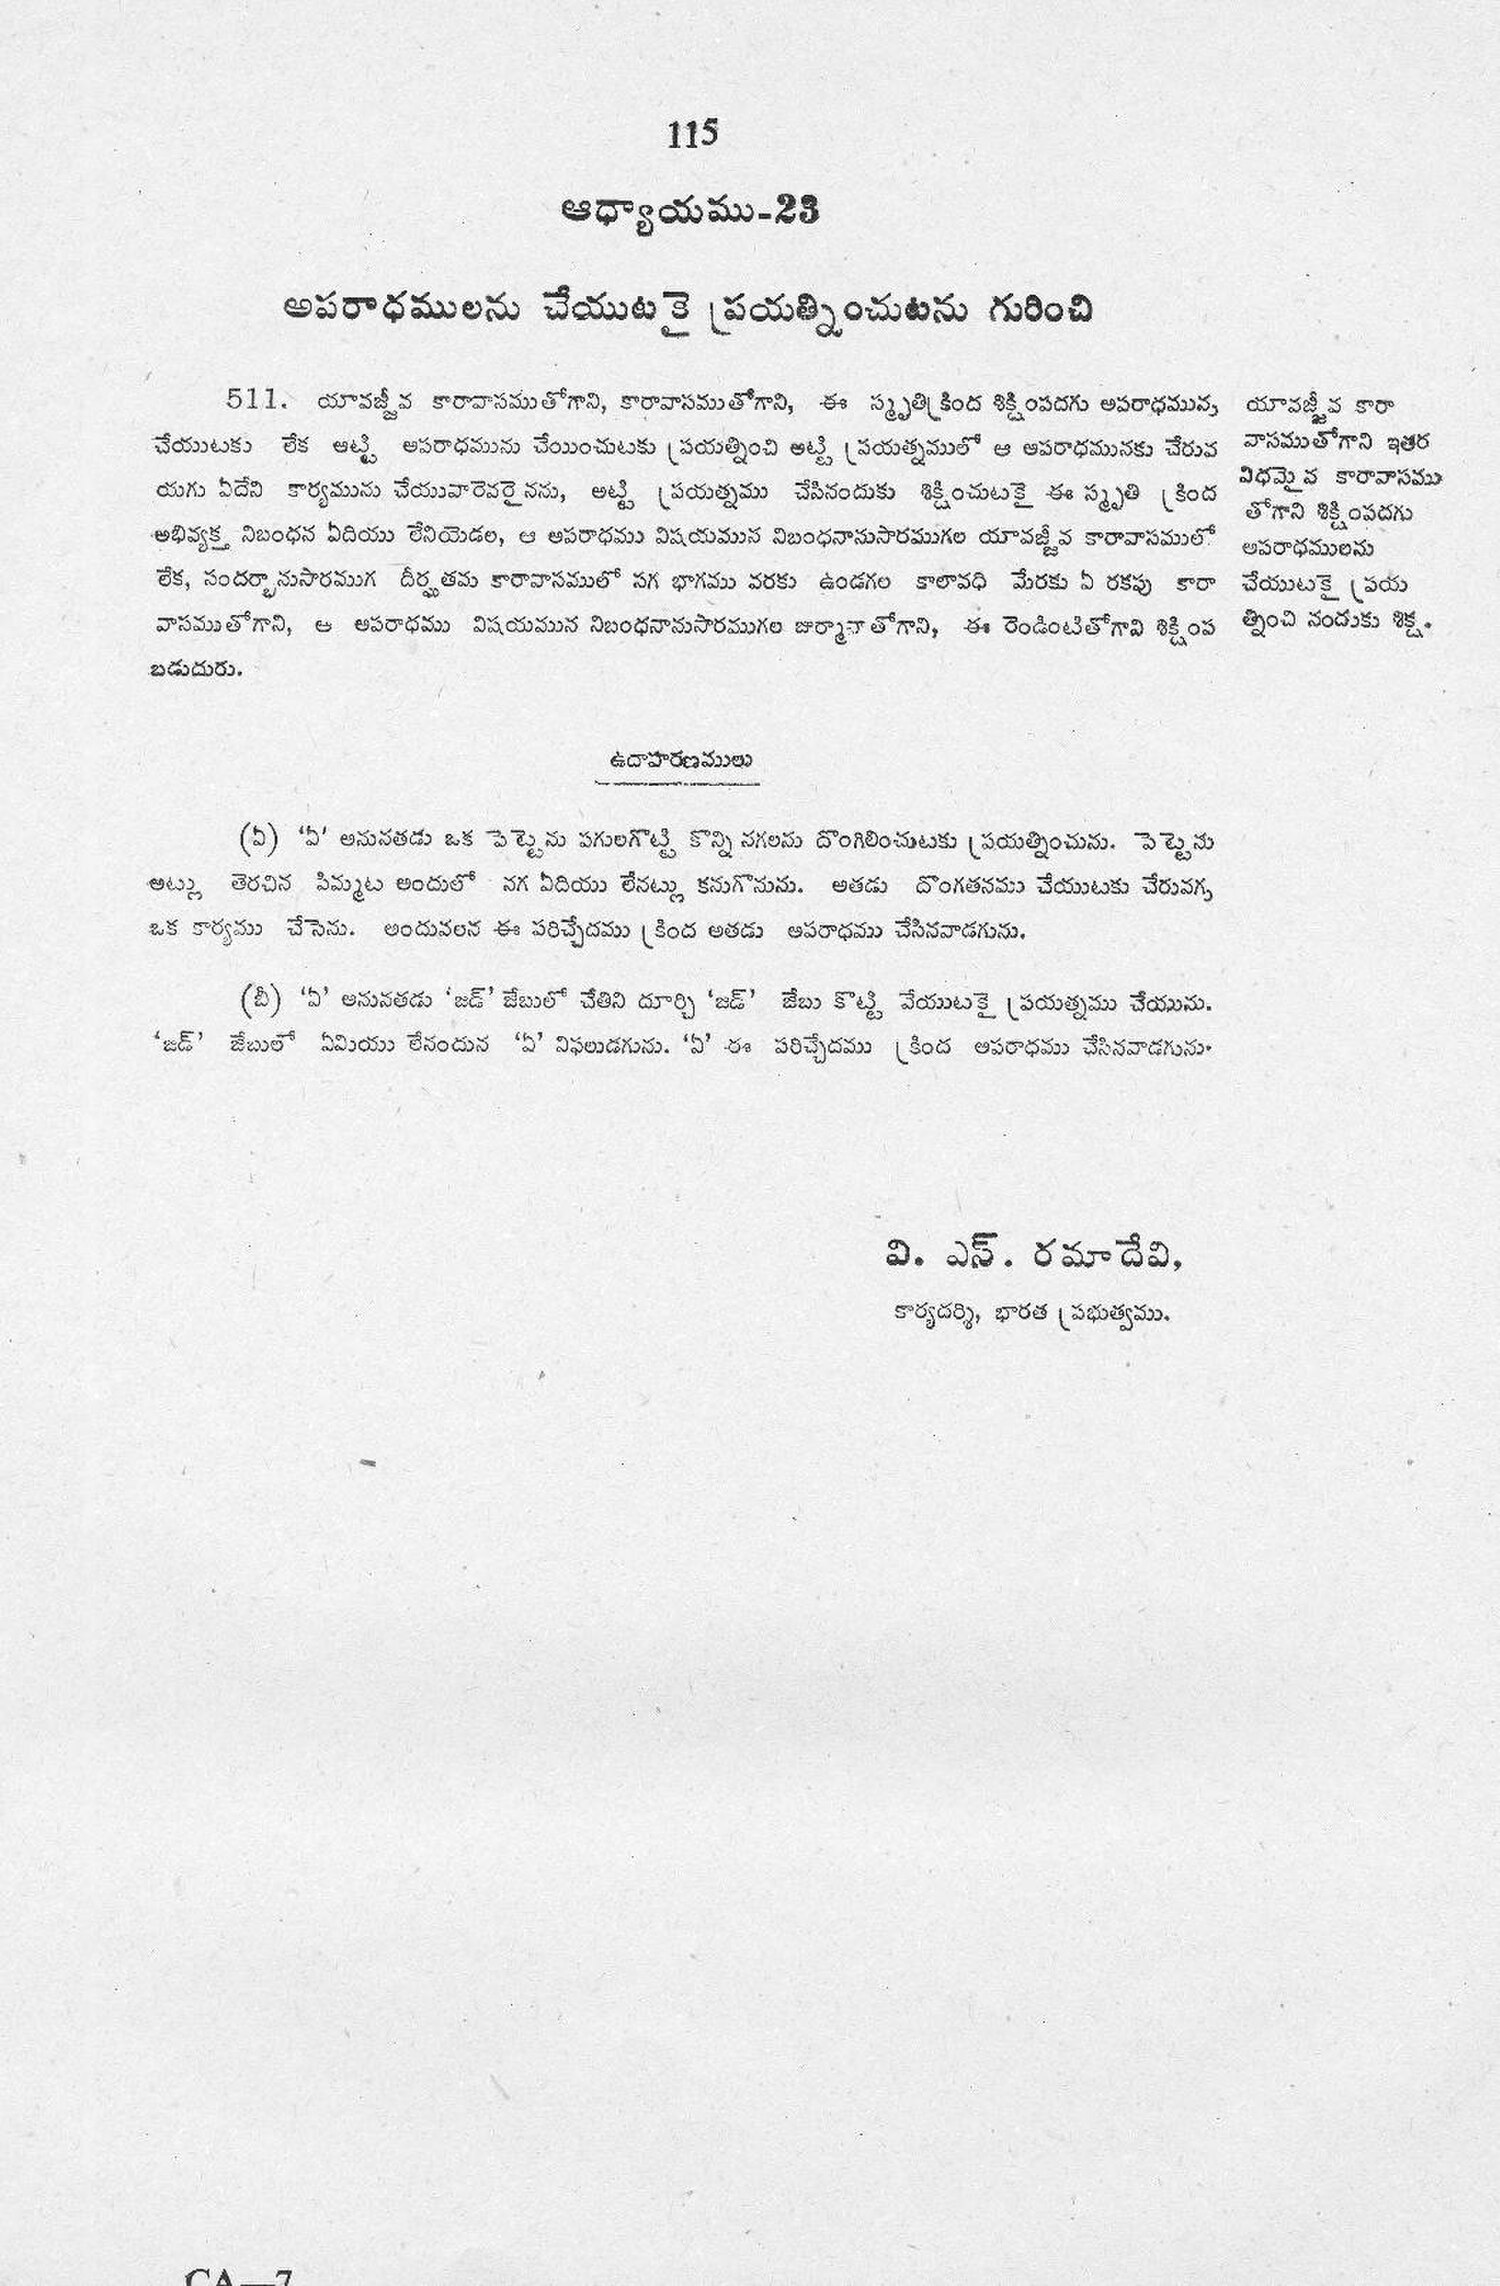యావజ్జీవ కారావాసముతోగాని ఇతర విధమైన కారావాసముతోగాని శిక్షింపదగు అపరాధములను చేయుటకై ప్రయత్నించి నందుకు శిక్ష

511. యావజ్జీవ కారావాసముతోగాని, కారావాసముతోగాని, ఈ స్మృతి క్రింద శిక్షింపదగు అపరాధమున, చేయుటకు లేక అట్టి అపరాధమును చేయించుటకు ప్రయత్నించి అట్టి ప్రయత్నములో ఆ అపరాధమునకు చేరువయగు ఏదేని కార్యమును చేయువారెవరైనను, అట్టి ప్రయత్నము చేసినందుకు శిక్షించుటకై ఈ స్మృతి క్రింద అభివ్యక్త నిబంధన ఏదియు లేనియెడల, ఆ అపరాధము విషయముస నిబంధనానుసారముగల యావజ్జీవ కారావాసములో లేక, సందర్భానుసారముగ దీర్ఘ తమ కారానాసములో సగ భాగము వరకు ఉండగల కాలావధి మేరకు ఏ రకపు కారావాసముతోగాని, ఆ అపరాధము విషయమున నిబంధనానుసారముగల జుర్మాగా తో గాని, ఈ రెండింటితో గాని శిక్షింపబడుదురు.

('ఏ') 'ఏ' అనునతడు ఒక పెట్టెను పగులగొట్టి కొన్ని నగలను దొంగిలించుటకు ప్రయత్నించును. పెట్టెను అట్లు తెరచిన పిమ్మట అందులో నగ ఏదియు లేనట్లు కనుగొనును.అతడు దొంగతనము చేయుటకు చేరునగ, ఒక కార్యము చేసెను. అందువలన ఈ పరిచ్చేదము క్రింద అతడు అపరాధము చేసినవాడగును,

('బీ')'ఏ' అనునతడు 'జడ్' జేబులో చేతిని దూర్చి 'జడ్' జేబు కొట్టి వేయుటకై ప్రయత్నము చేయును.'జడ్' జేబులో ఏమియు లేనందున 'ఏ' విఫలుడగును. 'ఏ' ఈ పరిచ్చేదము క్రింద అపరాధము చేసినవాడగును.

వి. ఎస్. రమాదేవి,
కార్యదర్శి, భారత ప్రభుత్వము,